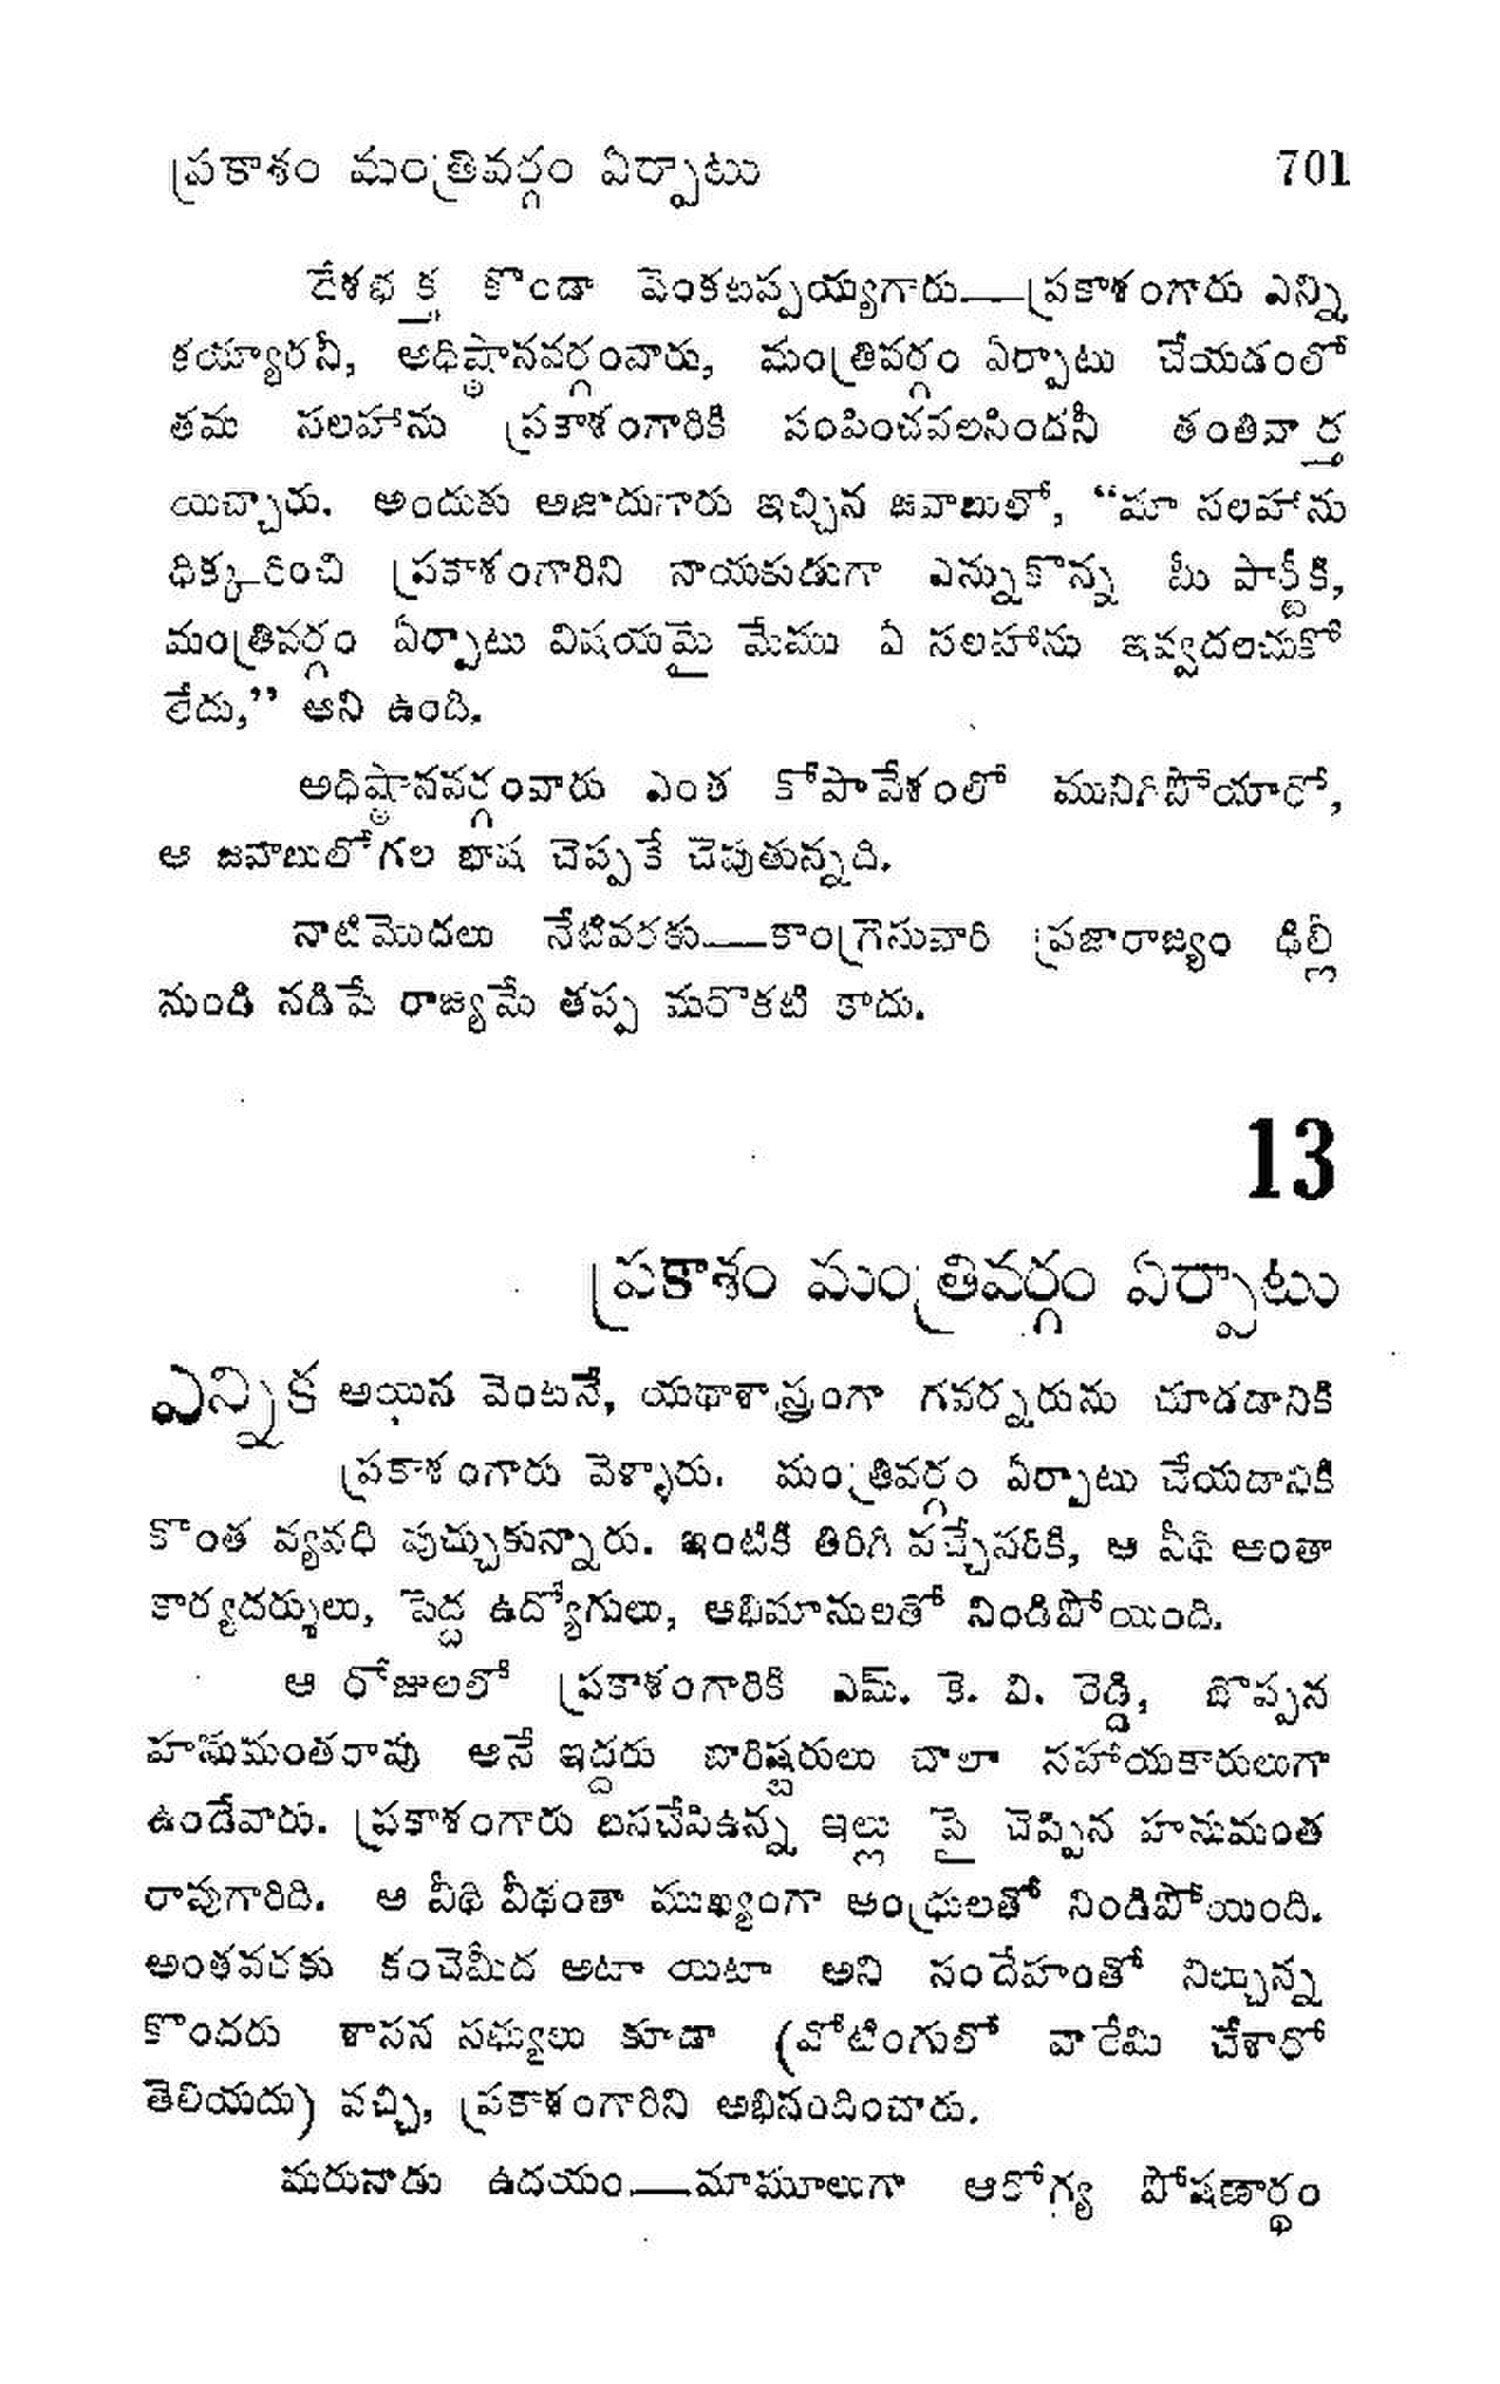దేశభక్త కొండా వెంకటప్పయ్యగారు - ప్రకాశంగారు ఎన్నికయ్యారనీ, అధిష్ఠానవర్గంవారు, మంత్రివర్గం ఏర్పాటు చేయడంలో తమ సలహాను ప్రకాశంగారికి పంపించవలసిందనీ తంతివార్త యిచ్చారు. అందుకు ఆజాదుగారు ఇచ్చిన జవాబులో, "మా సలహాను ధిక్కరించి ప్రకాశంగారిని నాయకుడుగా ఎన్నుకొన్న మీ పార్టీకి, మంత్రివర్గం ఏర్పాటు విషయమై మేము ఏ సలహాను ఇవ్వదలచుకో లేదు," అని ఉంది.

అధిష్ఠానవర్గంవారు ఎంత కోపావేశంలో మునిగిపోయారో, ఆ జవాబులోగల భాష చెప్పకే చెపుతున్నది.

నాటిమొదలు నేటివరకు - కాంగ్రెసువారి ప్రజారాజ్యం ఢిల్లీ నుండి నడిపే రాజ్యమే తప్ప మరొకటి కాదు.

ఎన్నిక అయిన వెంటనే, యథాశాస్త్రంగా గవర్నరును చూడడానికి ప్రకాశంగారు వెళ్ళారు. మంత్రివర్గం ఏర్పాటు చేయడానికి కొంత వ్యవధి పుచ్చుకున్నారు. ఇంటికి తిరిగి వచ్చేసరికి, ఆ వీథి అంతా కార్యదర్శులు, పెద్ద ఉద్యోగులు, అభిమానులతో నిండిపోయింది.

ఆ రోజులలో ప్రకాశంగారికి ఎమ్. కె. వి. రెడ్డి, బొప్పన హనుమంతరావు అనే ఇద్దరు బారిష్టరులు చాలా సహాయకారులుగా ఉండేవారు. ప్రకాశంగారు బసచేసిఉన్న ఇల్లు పై చెప్పిన హనుమంతరావుగారిది. ఆ వీథి వీథంతా ముఖ్యంగా ఆంధ్రులతో నిండిపోయింది. అంతవరకు కంచెమీద అటా యిటా అని సందేహంతో నిల్చున్న కొందరు శాసన సభ్యులు కూడా (వోటింగులో వారేమి చేశారో తెలియదు) వచ్చి, ప్రకాశంగారిని అభినందించారు.

మరునాడు ఉదయం - మామూలుగా ఆరోగ్య పోషణార్థం